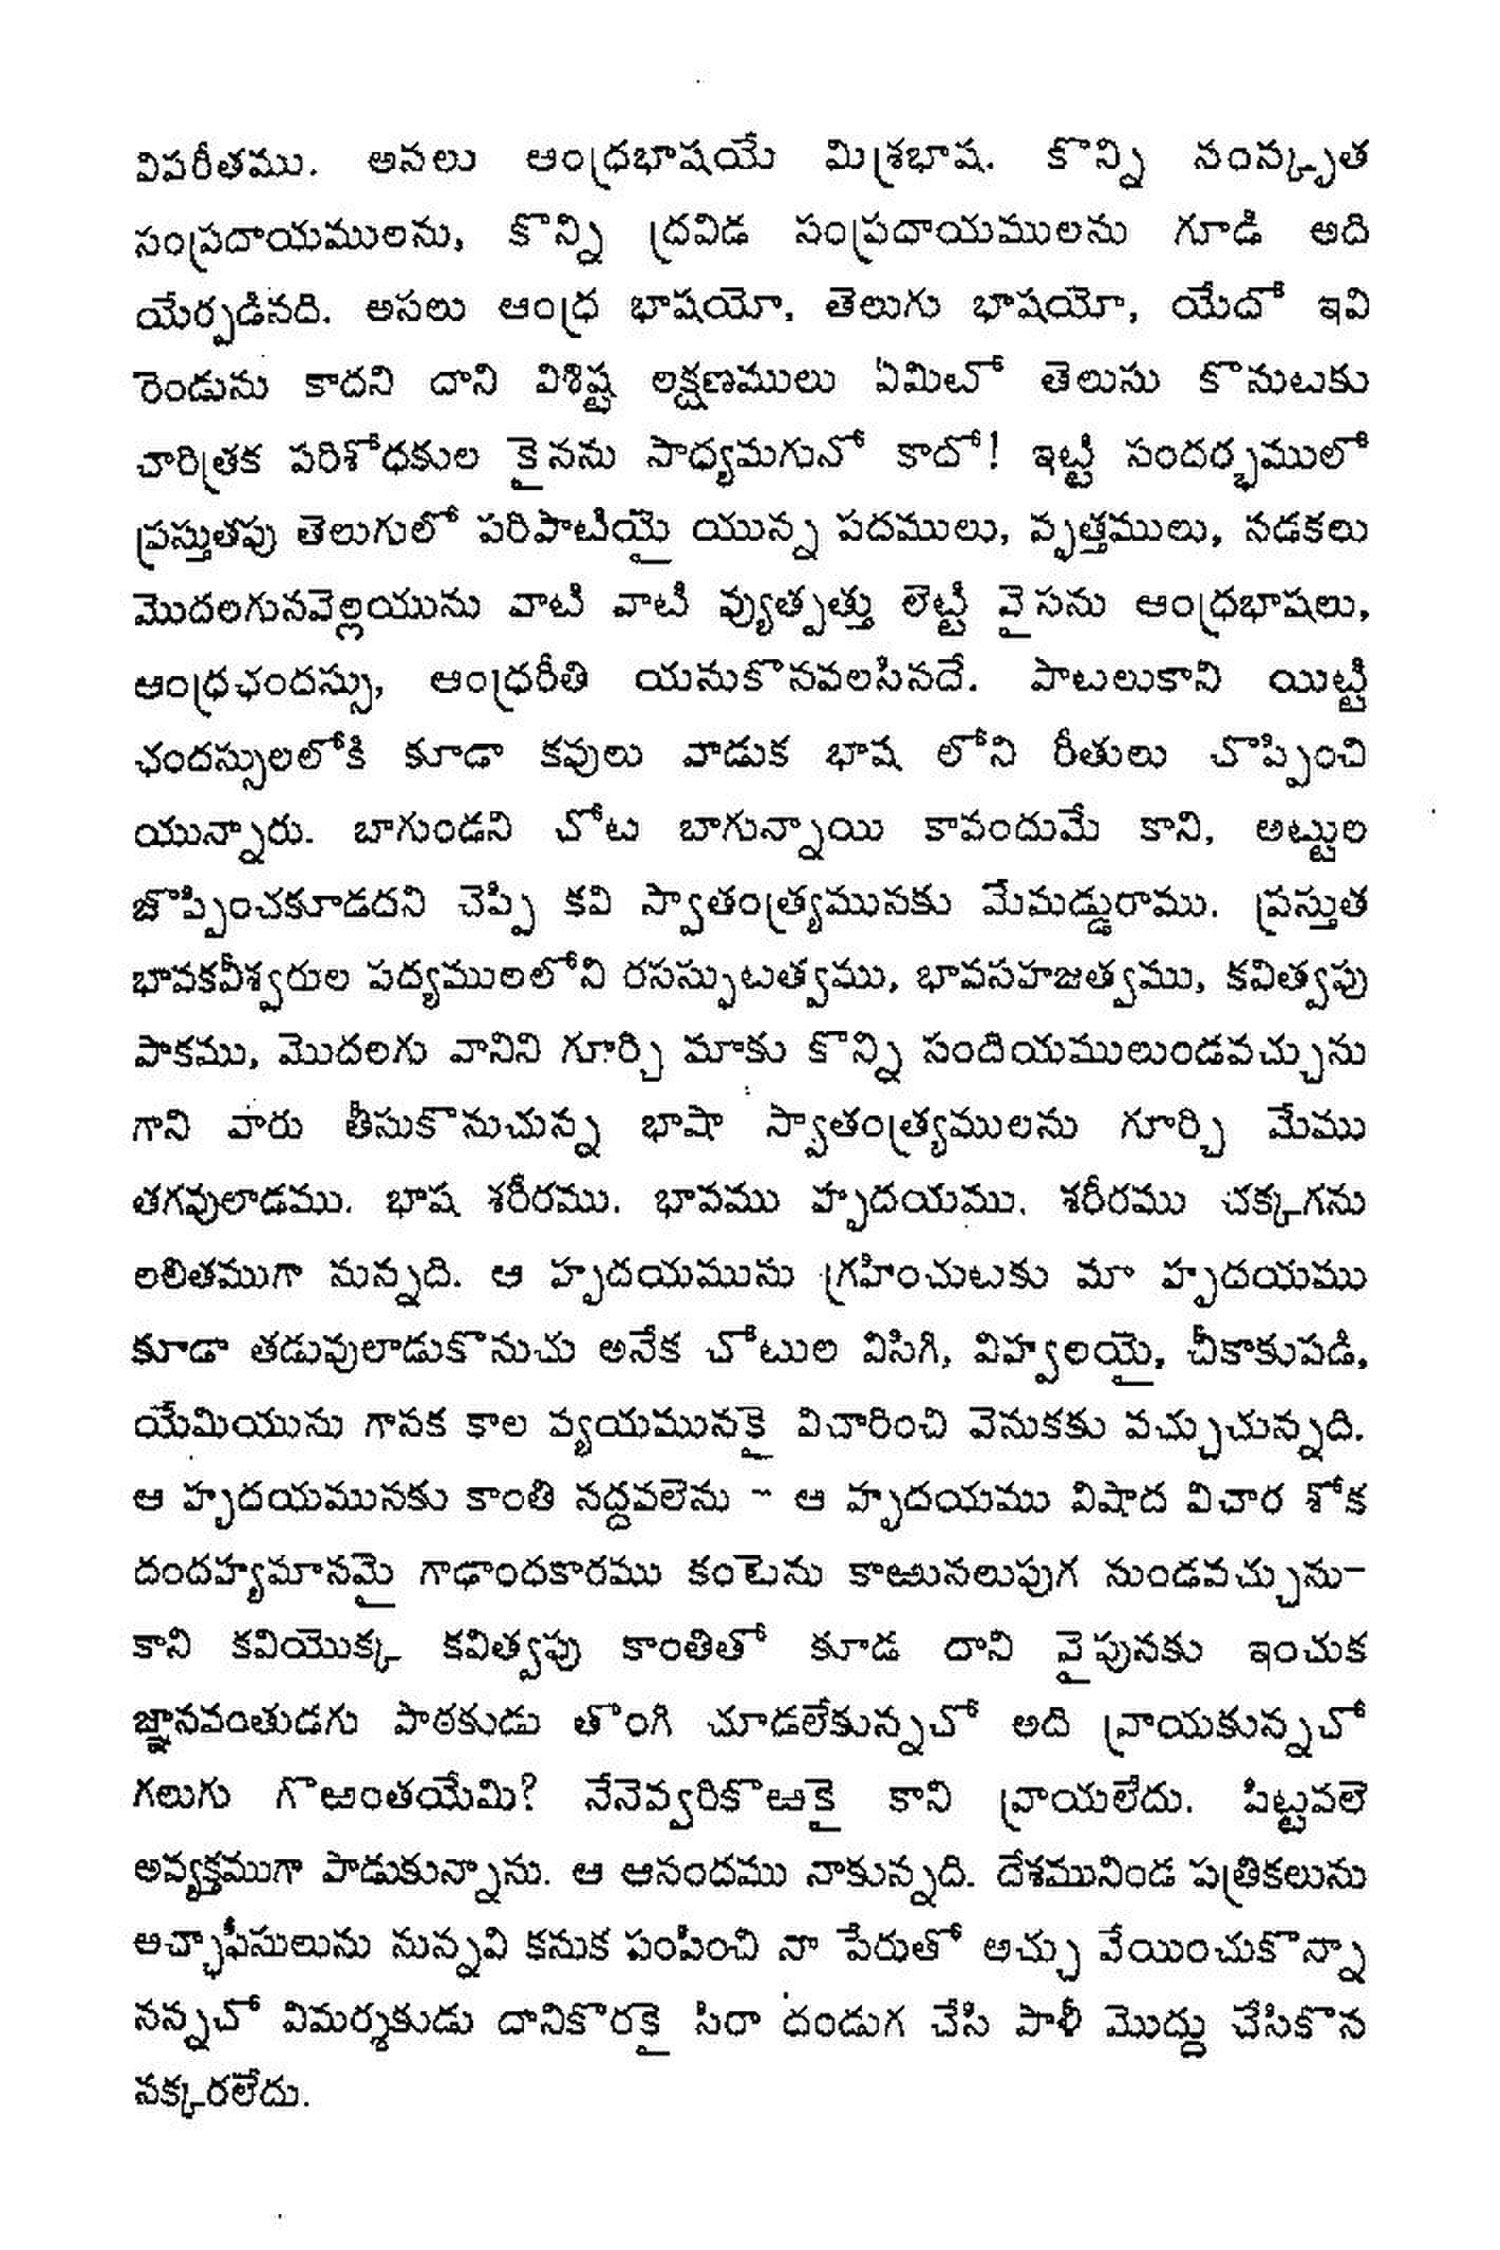విపరీతము. అసలు ఆంధ్రభాషయే మిశ్రభాష. కొన్ని సంస్కృత సంప్రదాయములను, కొన్ని ద్రవిడ సంప్రదాయములను గూడి అది యేర్పడినది. అసలు ఆంధ్ర భాషయో, తెలుగు భాషయో యెదో ఇవి రెండును కాదని దాని విశిష్ట లక్షణములు ఏమిటో తెలుసు కొనుటకు చారిత్రక పరిశోధకుల కైనను సాధ్యమగునో కాదో! ఇట్టి సందర్భములో ప్రస్తుతపు తెలుగులో పరిపాటియై యున్న పదములు, వృత్తములు, నడకలు మొదలగునవెల్లయును వాటి వాటి వ్యుత్పత్తు లెట్టి వైనను ఆంధ్రభాషలు, ఆంధ్రఛందస్సు, ఆంధ్రరీతి యనుకొనవలసినదే. పాటలుకాని యిట్టి ఛందస్సులలోకి కూడా కవులు వాడుక భాష లోని రీతులు చొప్పించి యున్నారు. బాగుండని చోట బాగున్నాయి కావందుమే కాని, అట్టుల జొప్పించకూడదని చెప్పి కవి స్వాతంత్ర్యమునకు మేమడ్డురాము. ప్రస్తుత భావకవీశ్వరుల పద్యములలోని రసస్ఫుటత్వము, భావసహజత్వము, కవిత్వపు పాకము, మొదలగు వానిని గూర్చి మాకు కొన్ని సందియములుండవచ్చును గాని వారు తీసుకొనుచున్న భాషా స్వాతంత్ర్యములను గూర్చి మేము తగవులాడము. భాష శరీరము. భావము హృదయము. శరీరము చక్కగను లలితముగా నున్నది. ఆ హృదయమునకు గ్రహించుటకు మా హృదయముకూడా తడువులాడుకొనుచు అనేక చోటుల విసిగి, విహ్వలయై, చీకాకుపడి, యేమియును గానక కాల వ్యయమునకై విచారించి వెనుకకు వచ్చుచున్నది. ఆ హృదయమునకు కాంతి నద్దవలెను - ఆ హృదయము విషాద విచార శోకదందహ్యమానమై గాఢాంధకారము కంటెను కాఱునలుపుగ నుండవచును - కాని కవియొక్క కవిత్వపు కాంతితో కూడ దాని వైపునకు ఇంచుక జ్ఞానవంతుడగు పాఠకుడు తొంగి చూడలేకున్నచో అది వ్రాయకున్నచో గలుగు గొఱంతయేమి? నేనెవ్వరికొఱకై కాని వ్రాయలేదు. పిట్టవలె అవ్యక్తముగా పాడుకున్నాను. ఆ ఆనందము నాకున్నది. దేశమునిండ పత్రికలును అఛ్చాఫీసులును నున్నవి కనుక పంపించి నా పేరుతో అచ్చు వేయించుకొన్నానన్నచో విమర్శకుడు దానికొరకై సిరా దండుగ చేసి పాళీ మొద్దు చేసికొన నక్కరలేదు.